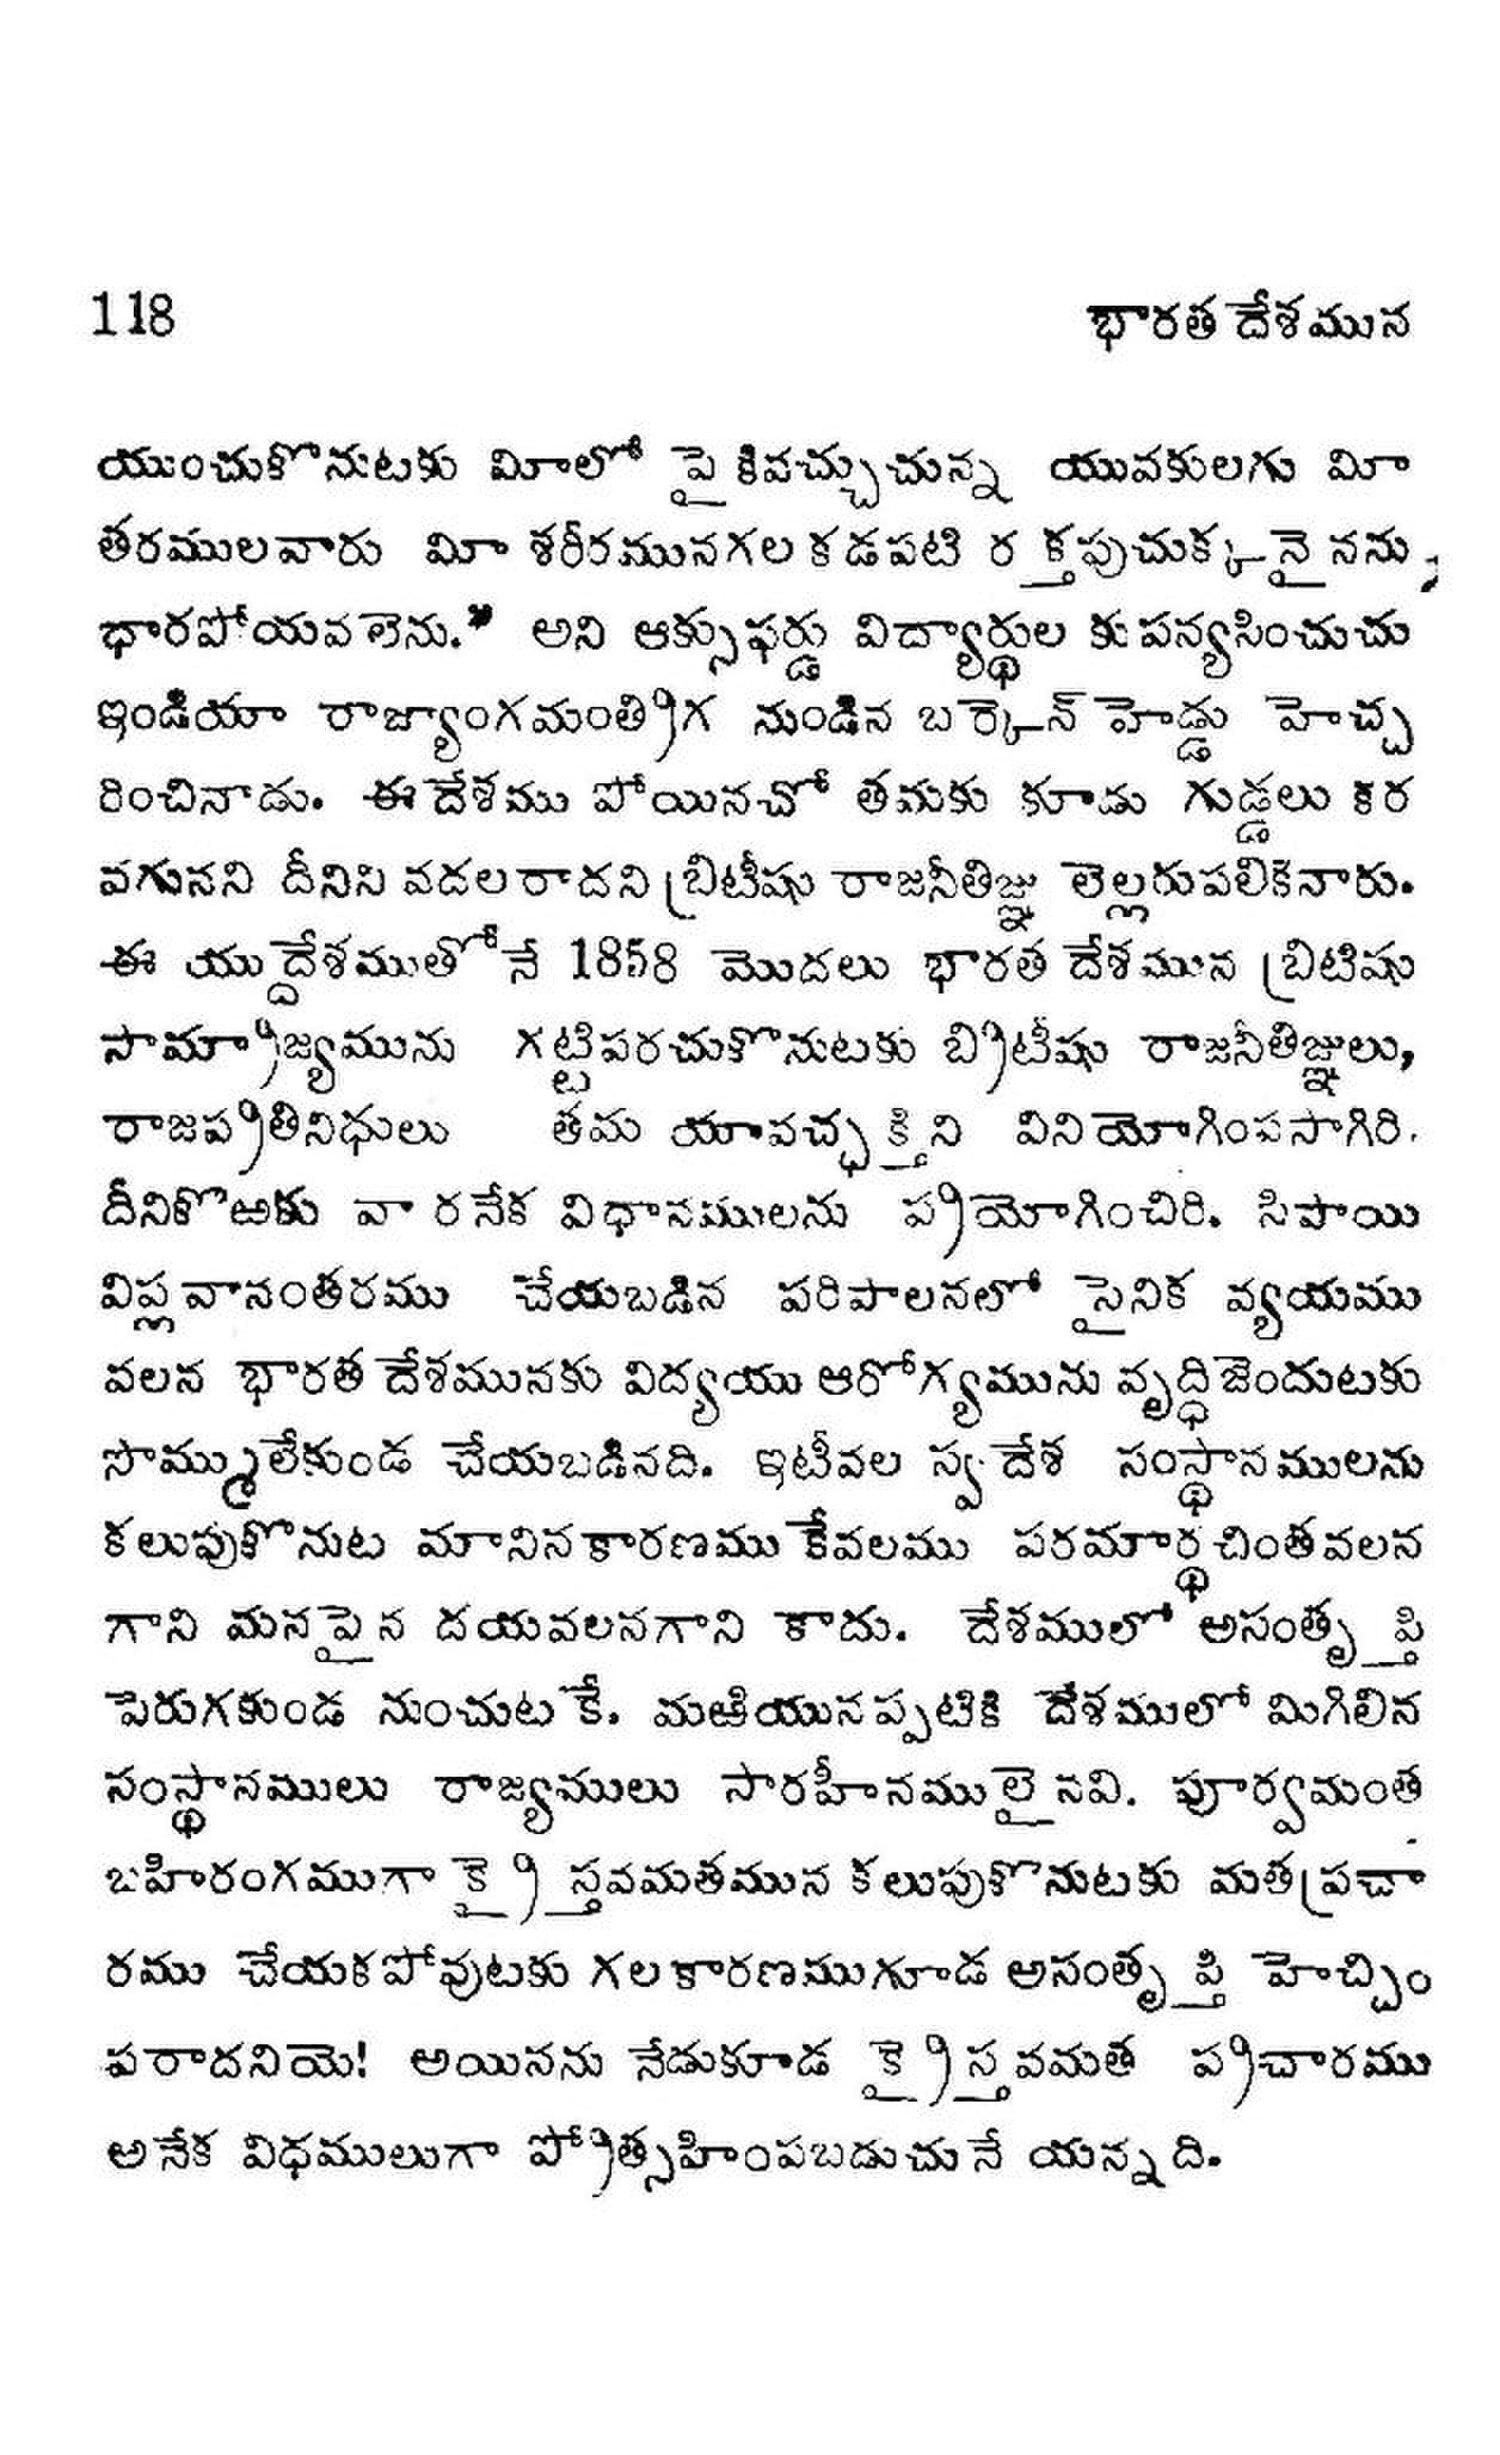యుంచుకొనుటకు మీలో పైకివచ్చుచున్న యువకులగు మీతరములవారు మీ శరీరమునగల కడపటి రక్తపుచుక్కనైనను , ధారపోయవలెను.” అని ఆక్సుఫర్డు విద్యార్థుల కుపన్యసించుచు ఇండియా రాజ్యాంగమంత్రిగ నుండిన బర్కెన్ హెడ్డు హెచ్చరించినాడు. ఈ దేశము పోయినచో తమకు కూడు గుడ్డలు కరవగునని దీనిని వదలరాదని బ్రిటీషు రాజనీతిజ్ఞు లెల్లరుపలికినారు. ఈ యుద్దేశముతోనే 1858 మొదలు భారతదేశమున బ్రిటిషు సామ్రాజ్యమును గట్టిపరచుకొనుటకు బ్రిటీషు రాజనీతిజ్ఞులు, రాజప్రతినిధులు తమ యావచ్చక్తిని వినియోగింపసాగిరి, దీనికొఱకు వారనేక విధానములను ప్రయోగించిరి. సిపాయి విప్లవానంతరము చేయబడిన పరిపాలనలో సైనిక వ్యయమువలన భారతదేశమునకు విద్యయు ఆరోగ్యమును వృద్ధిజెందుటకు సొమ్ములేకుండ చేయబడినది. ఇటీవల స్వదేశ సంస్థానములను కలుపుకొనుట మానినకారణము కేవలము పరమార్థచింతవలన గాని మనపైన దయవలనగాని కాదు. దేశములో అసంతృప్తి పెరుగకుండ నుంచుటకే. మఱియునప్పటికి దేశములో మిగిలిన సంస్థానములు రాజ్యములు సారహీనములైనవి. పూర్వమంత బహిరంగముగా క్రైస్తవమతమున కలుపుకొనుటకు మతప్రచారము చేయకపోవుటకు గలకారణముగూడ అసంతృప్తి హెచ్చింపరాదనియె! అయినను నేడుకూడ క్రైస్తవమత ప్రచారము అనేక విధములుగా ప్రోత్సహింపబడుచునే యున్నది.